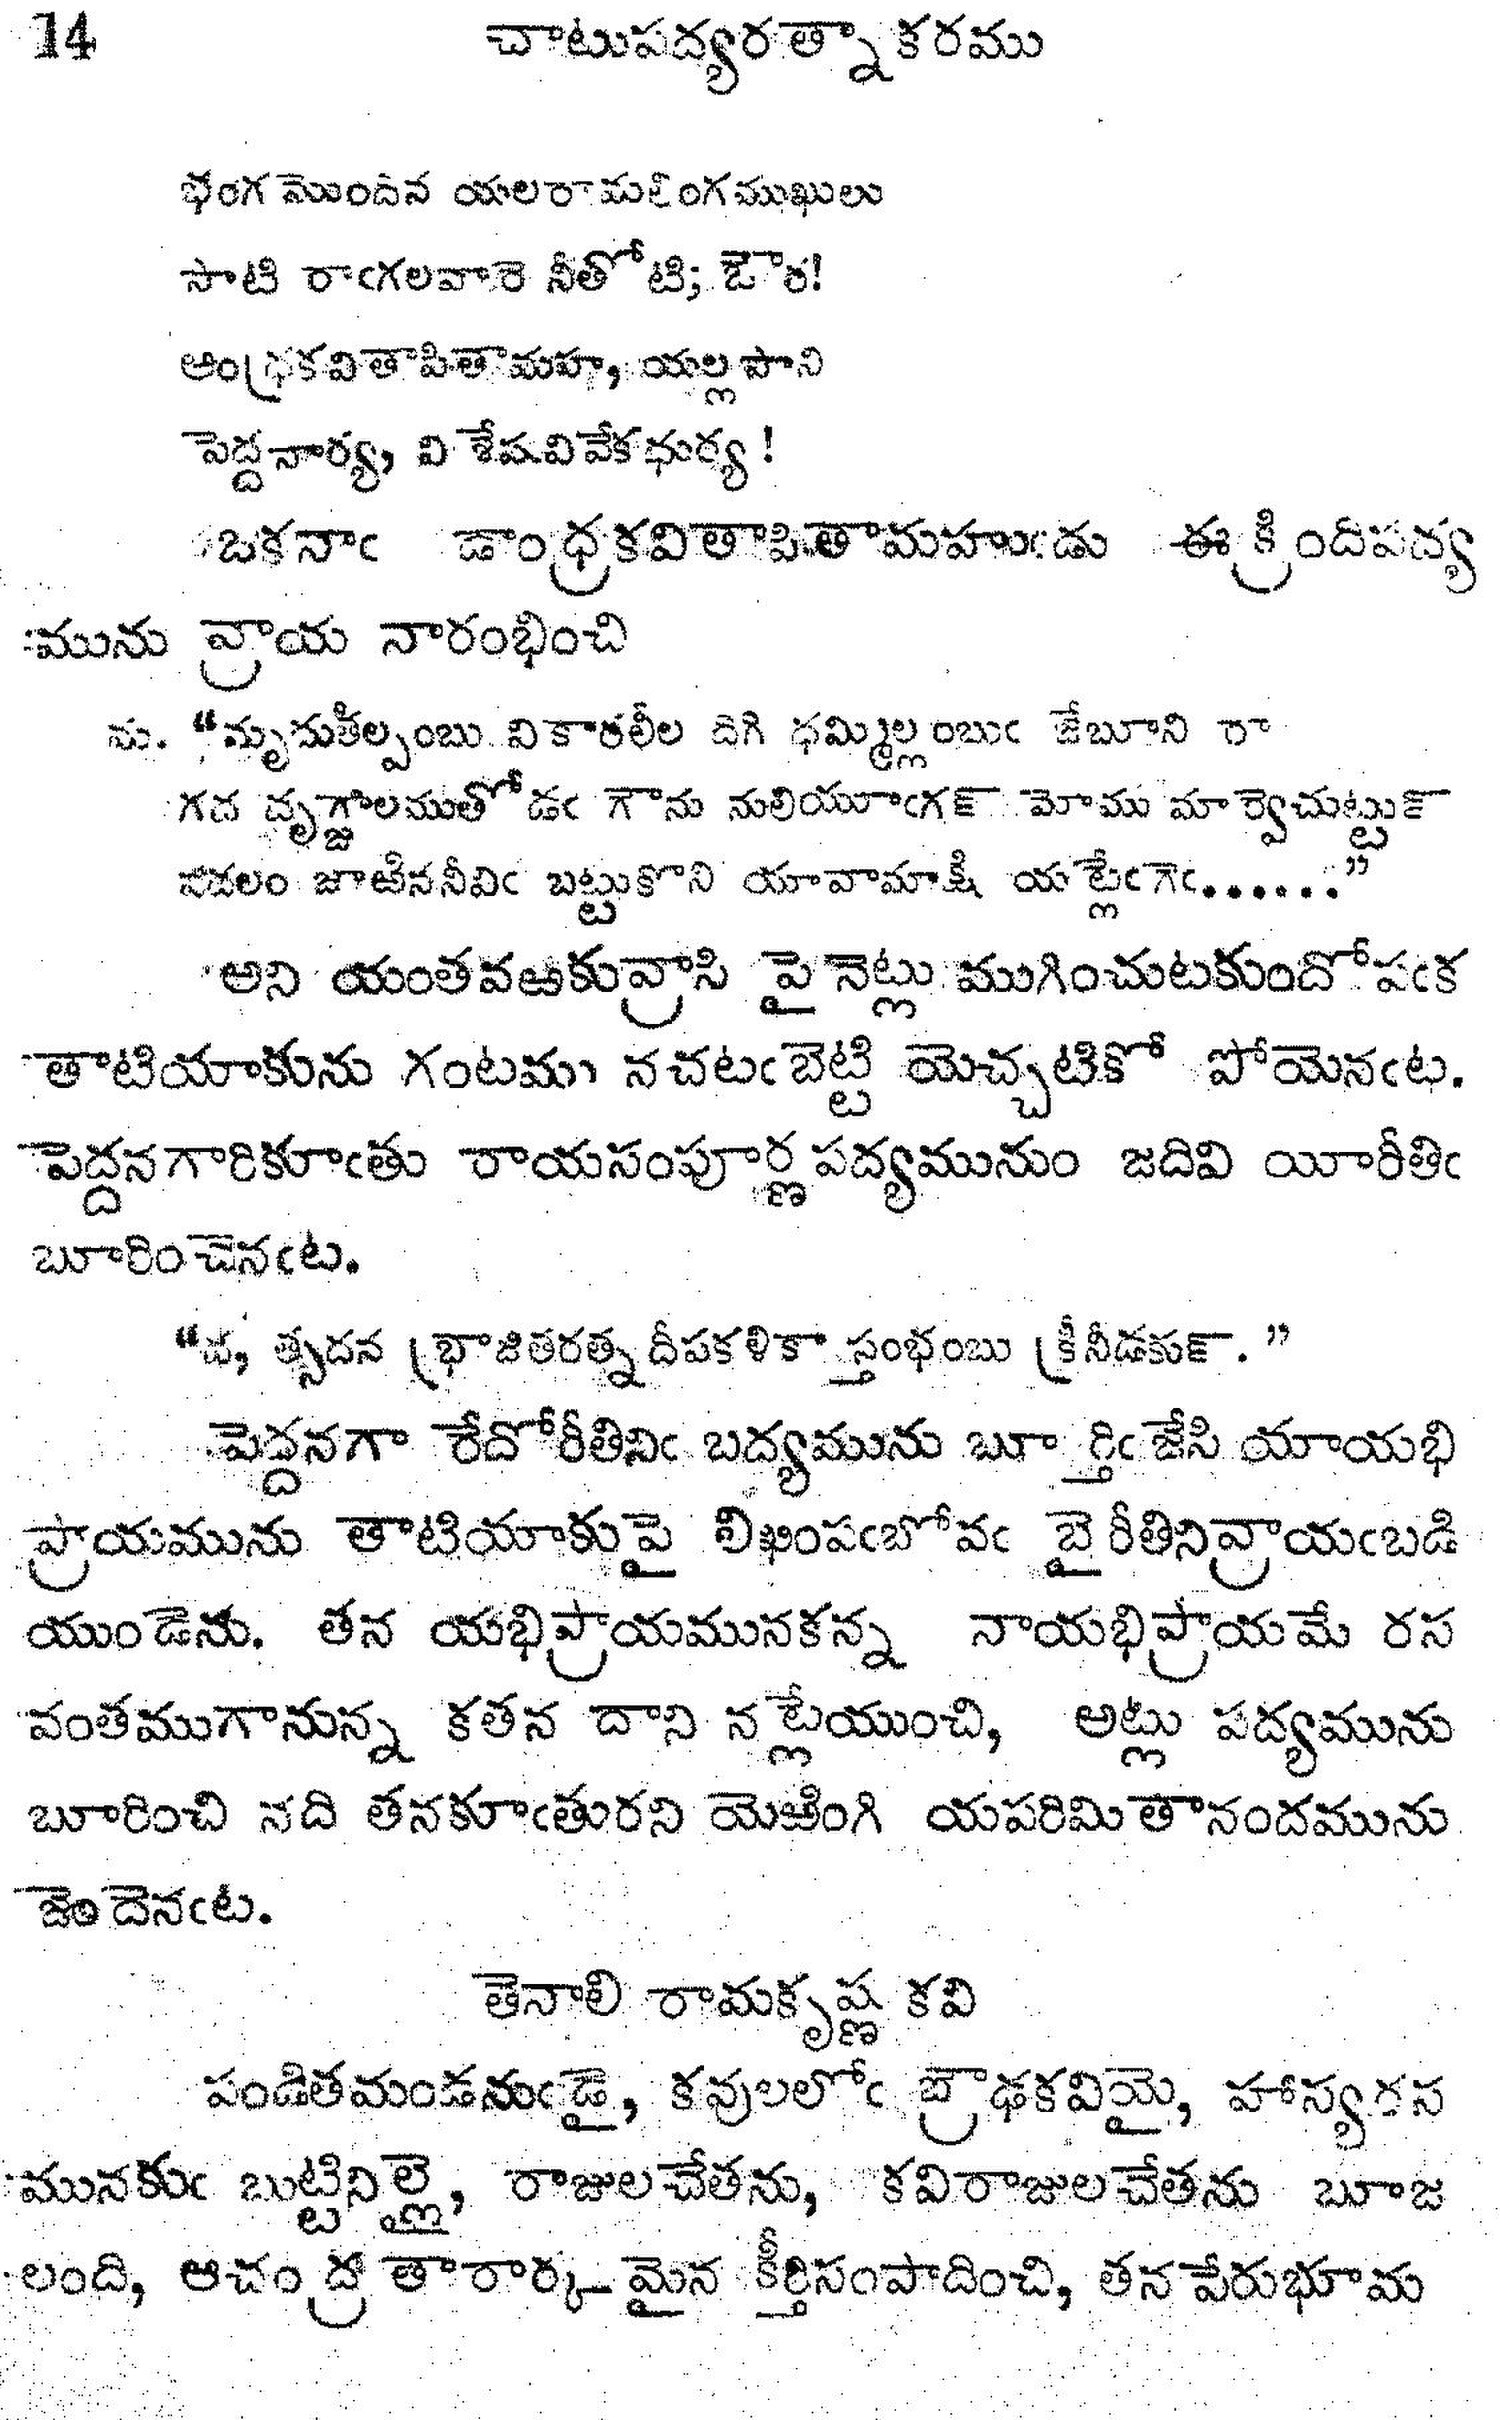భంగమొందిన యలరామలింగముఖులు
 సాటి రాఁగలవారె నీతోటి; ఔర!
 ఆంధ్రకవితాపితామహ, యల్లసాని
 పెద్దనార్య, విశేషవివేకధుర్య!

ఒకనాఁ డాంధ్రకవితాపితామహుఁడు ఈక్రిందిపద్యమున వ్రాయ నారంభించి

మ. మృదుతల్పంబు వికారలీన దిగి ధమ్మిల్లంబుఁ జేబూని రా
 గద దృగ్జాలముతోడఁ గౌను నులియూఁగన్ మోము మార్వెచుట్టువ్
 వదలం జాఱిననీవిఁ బట్టుకొని యావామాక్షి యట్లేఁగెఁ....

అని యంతవఱకు వ్రాసి పైనెట్లు ముగించుటకుం దోపఁక తాటియాకును గంటము నచటఁ బెట్టి యెచ్చటికో పోయెనఁట. పెద్దనగారి కూఁతు రాయసంపూర్ణపద్యమునుం జదివి యీరీతిఁ బూరించెనఁట

 “ద, త్సదనభ్రాజితరత్నదీపకళికాస్తంభంబు క్రీనీడకున్.”

పెద్దనగా రేదోరీతినిఁ బద్యమును బూర్తిఁజేసి యాయభిప్రాయమును తాటియాకుపై లిఖింపఁబోవఁ బైరీతిని వ్రాయఁబడియుండెను. తన యభిప్రాయమునకన్న నాయభిప్రాయమే రసవంతముగానున్న కతన దాని నట్లే యుంచి, అట్లు పద్యమును బూరించినది తనకూఁతురని యెఱింగి యపరిమితానందమును జెందెనఁట.

పండితమండనుఁడై, కవులలోఁ బ్రౌఢకవియై, హాస్యరసమునకు పుట్టినిల్లై, రాజులచేతను, కవిరాజులచెతను బూజలంది, ఆచంద్రతారార్కమైన కీర్తి సంపాదించి, తనపేరు భూమం